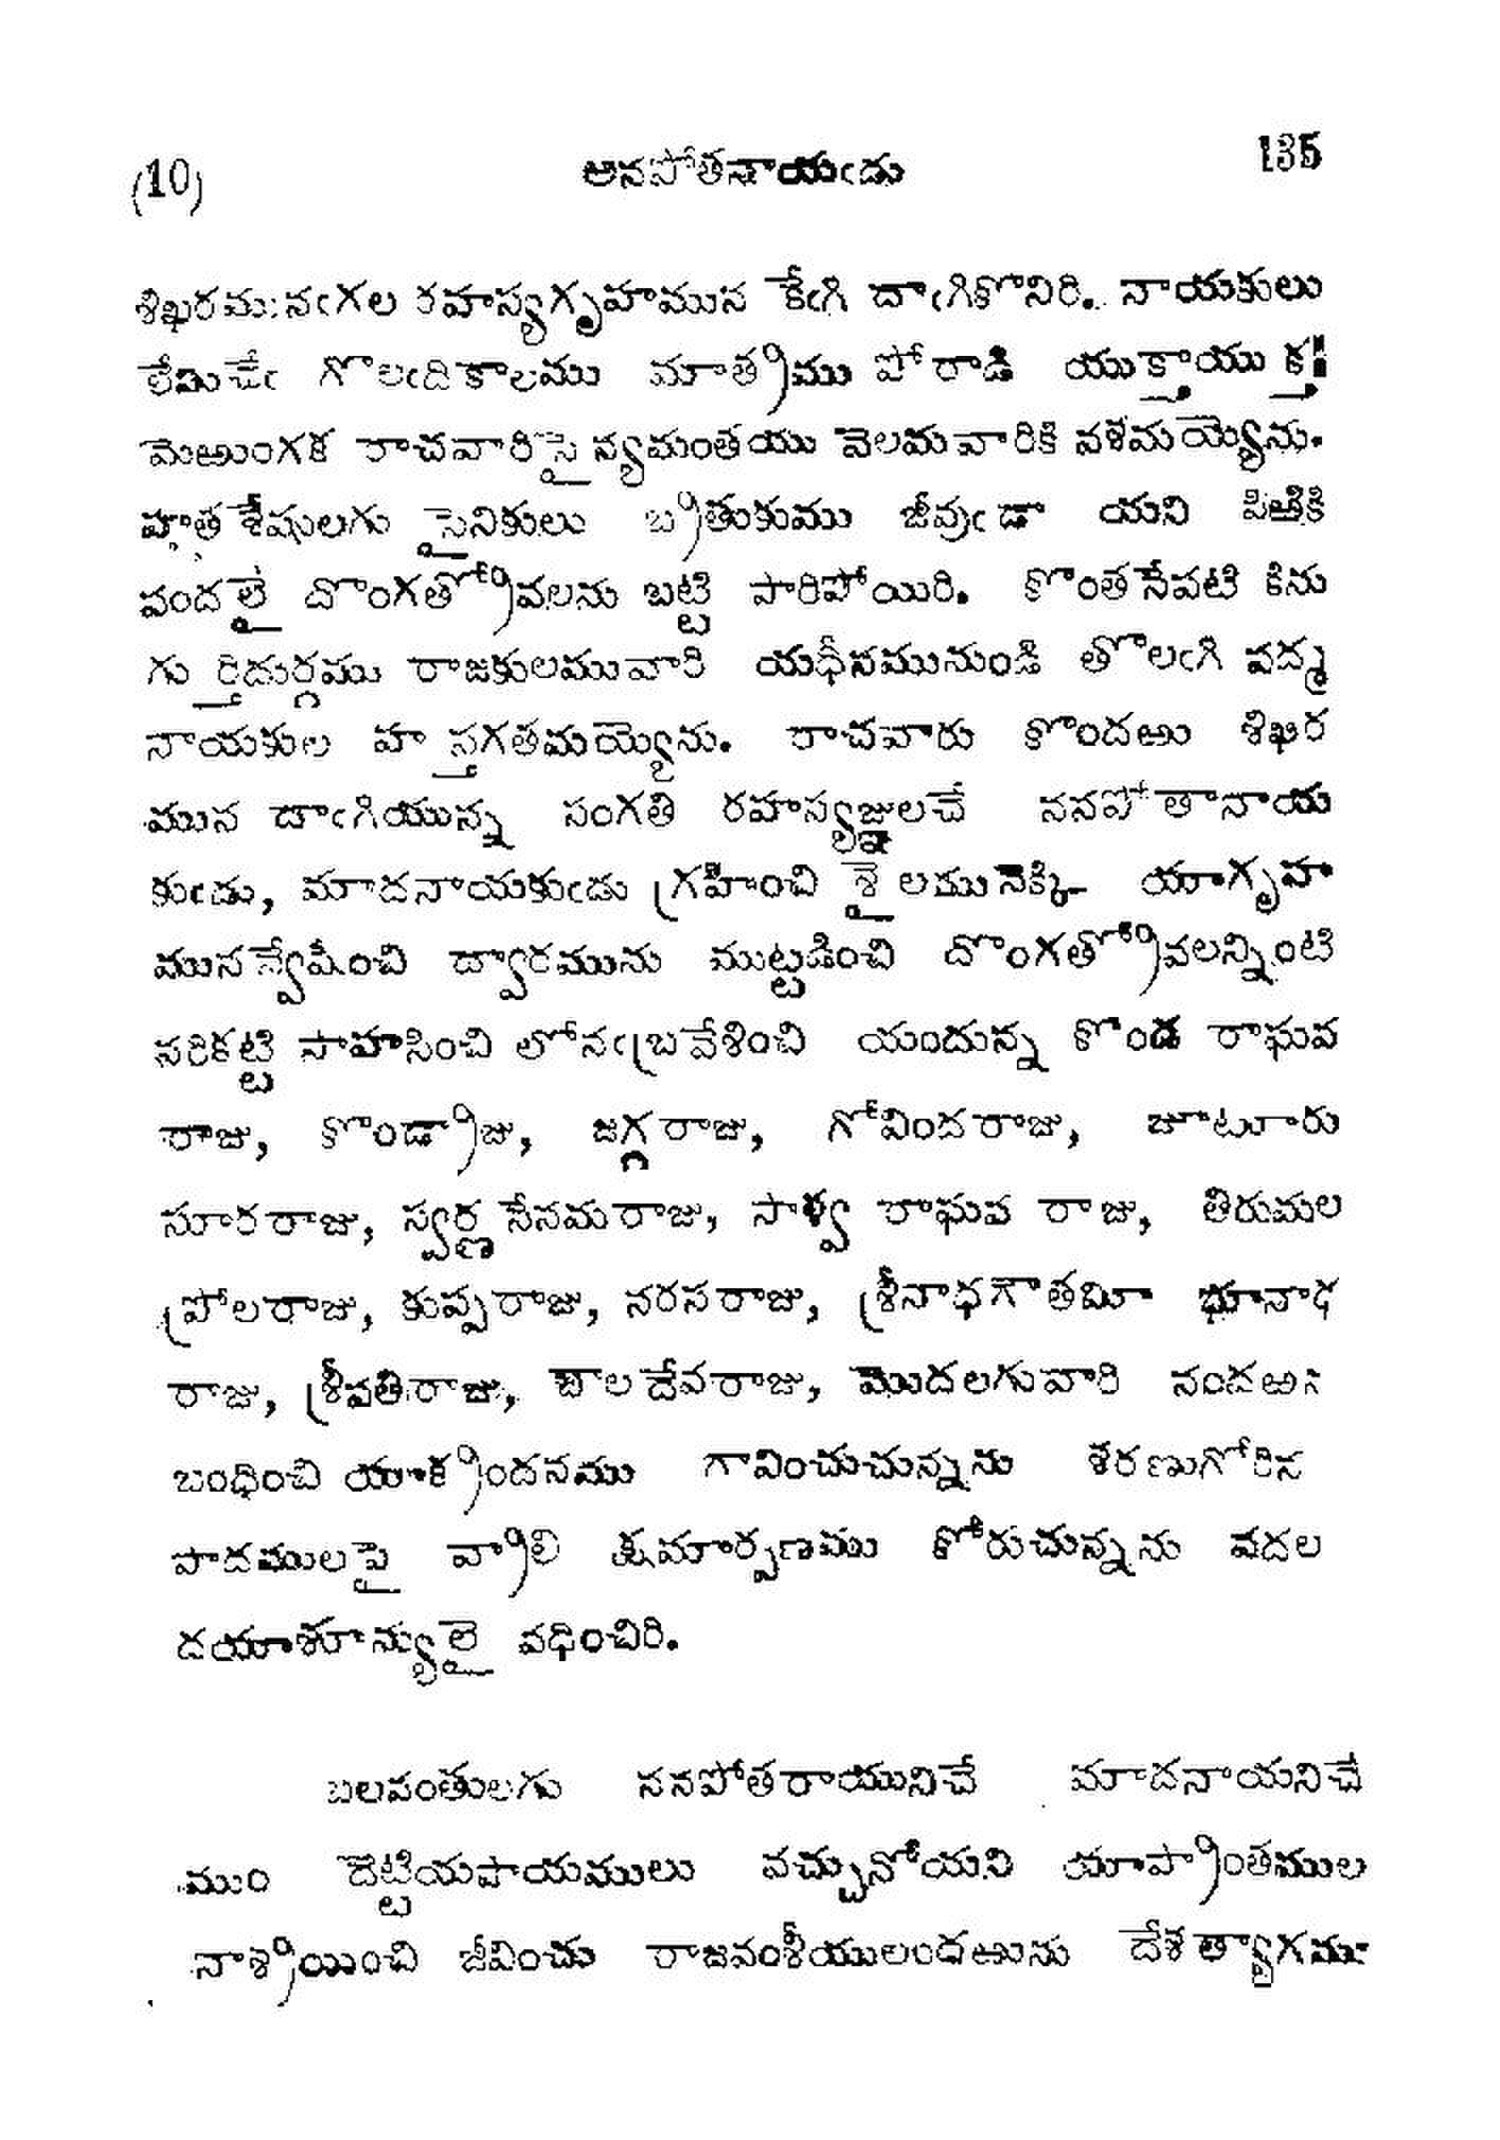శిఖరమునగల రహస్యగృహమున కేగి దాగికొనిరి. నాయకులు లేమిచే గొలదికాలము మాత్రము పోరాడి యుక్తాయుక్త మెఱుంగక రాచవారిసైన్యమంతయు వెలమవారికి వశమయ్యెను. హతశేషులగు సైనికులు బ్రతుకుము జీవుడా యని పిఱికి పందలై దొంగత్రోవలను బట్టి పారిపోయిరి. కొంతసేపటికి కినుగుర్తిదుర్గము రాజకులమువారి యధీనమునుండి తొలంగి పద్మనాయకుల హస్తగతమయ్యెను. రాచవారు కొందఱు శిఖరమున దాగియున్న సంగతి రహస్యజ్ఞులచే ననపోతానాయకుదు, మాదనాయకుడు గ్రహించి శైలమునెక్కి యాగృహమునన్వేషించి ద్వారమును ముట్టడించి దొంగత్రోవలన్నింటి నరికట్టి సాహసించి లోనబ్రవేశించి యందున్న కొండ రాఘవరాజు, కొండ్రాజు, జగ్గరాజు, గోవిందరాజు, జూటూరు సూరరాజు, స్వర్ణనేనమరాజు, సాళ్వ రాఘవరాజు, తిరుమల ప్రోలరాజు, కుప్పరాజు, నరసరాజు, శ్రీనాధగౌతమీ భూనాధరాజు, శ్రీపతిరాజు, బాలదేవరాజు, మొదలగువారి నందఱను బంధించి యాక్రందనము గావించుచున్నను శరణుగోరినను, పాదములపై వ్రాలి క్షమార్పణము కోరుచున్నను వదలక దయాశూన్యులై వధించిరి.

బలవంతులగు ననపోతరాయునిచే మాదనాయనిచే ముం దెట్టియపాయములు వచ్చునోయని యాప్రాంతముల నాశ్రయించి జీవించు రాజవంశీయులందఱును దేశత్యాగము